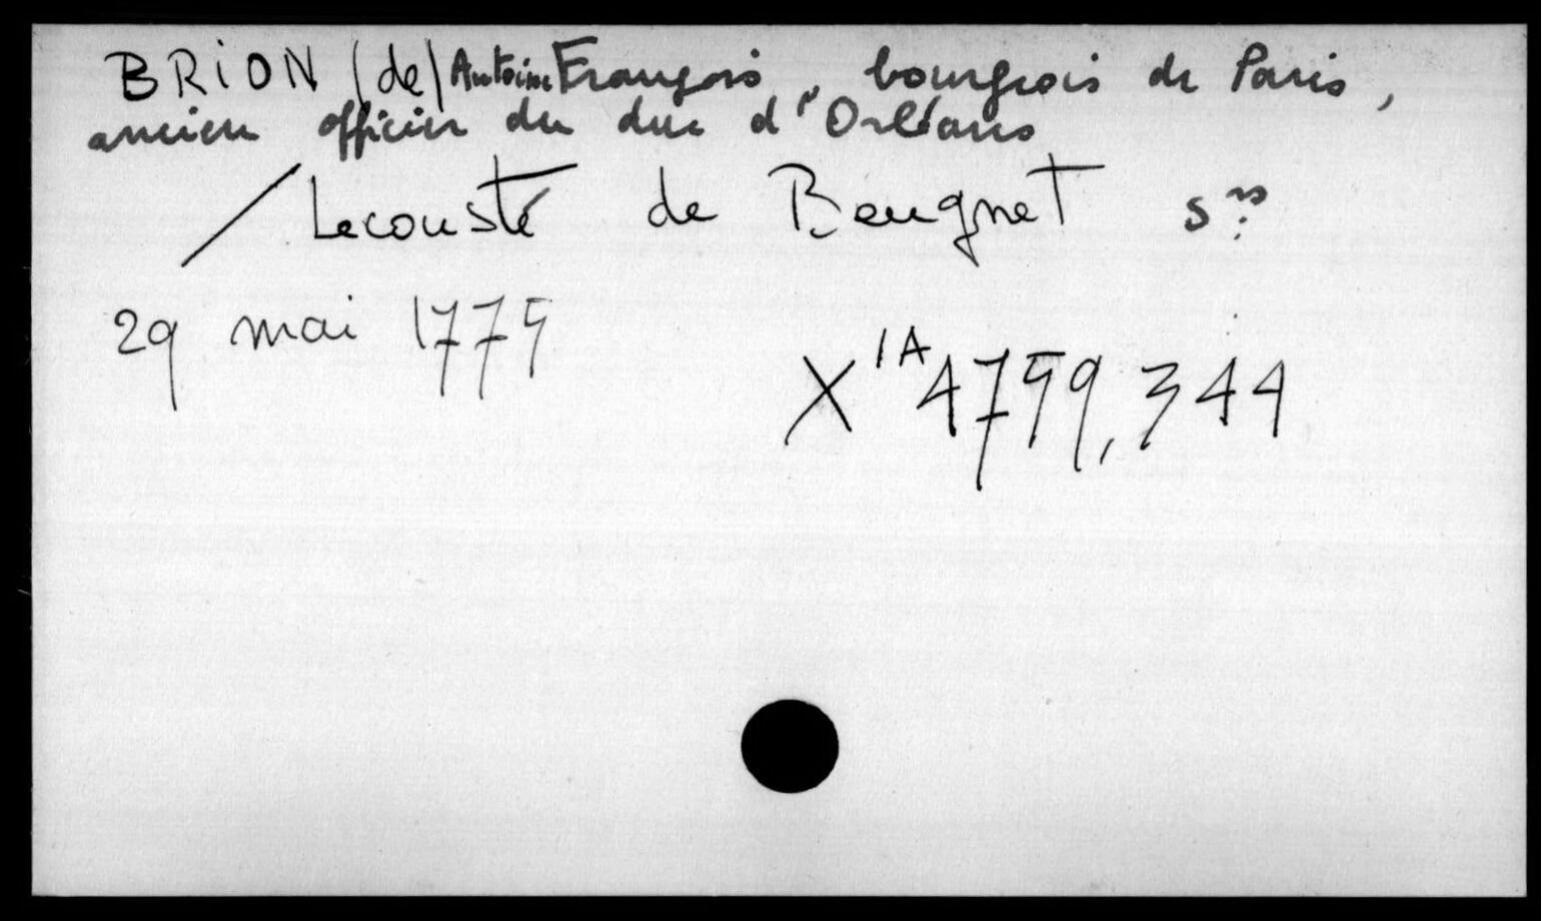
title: BRION (de) Antoine François, bourgeois de Paris, ancien officier du duc d'Orléans
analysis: Contre Lecousté de Beugnet (sieurs)
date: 29 mai 1775
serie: X1A
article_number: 4759
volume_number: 344
